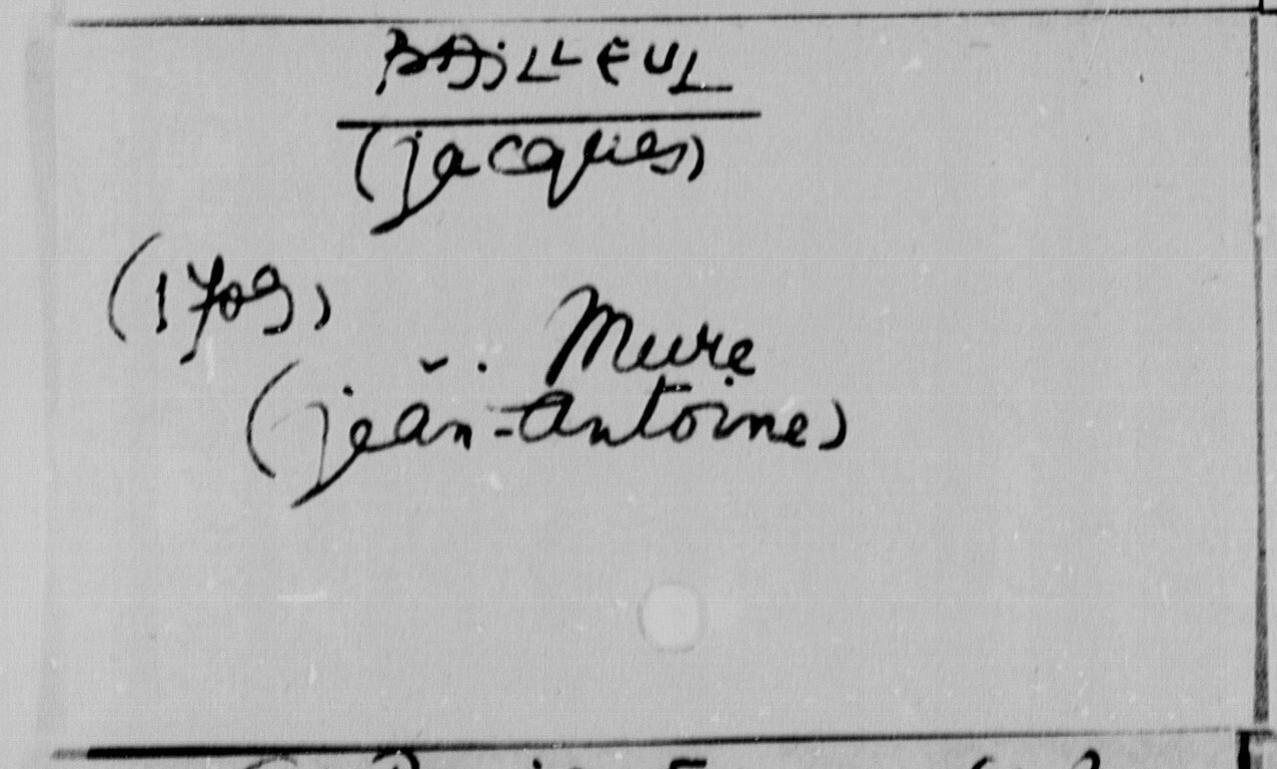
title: BAILLEUL (Jacques)
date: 1709
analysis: Voir Mure (Jean-Antoine)
